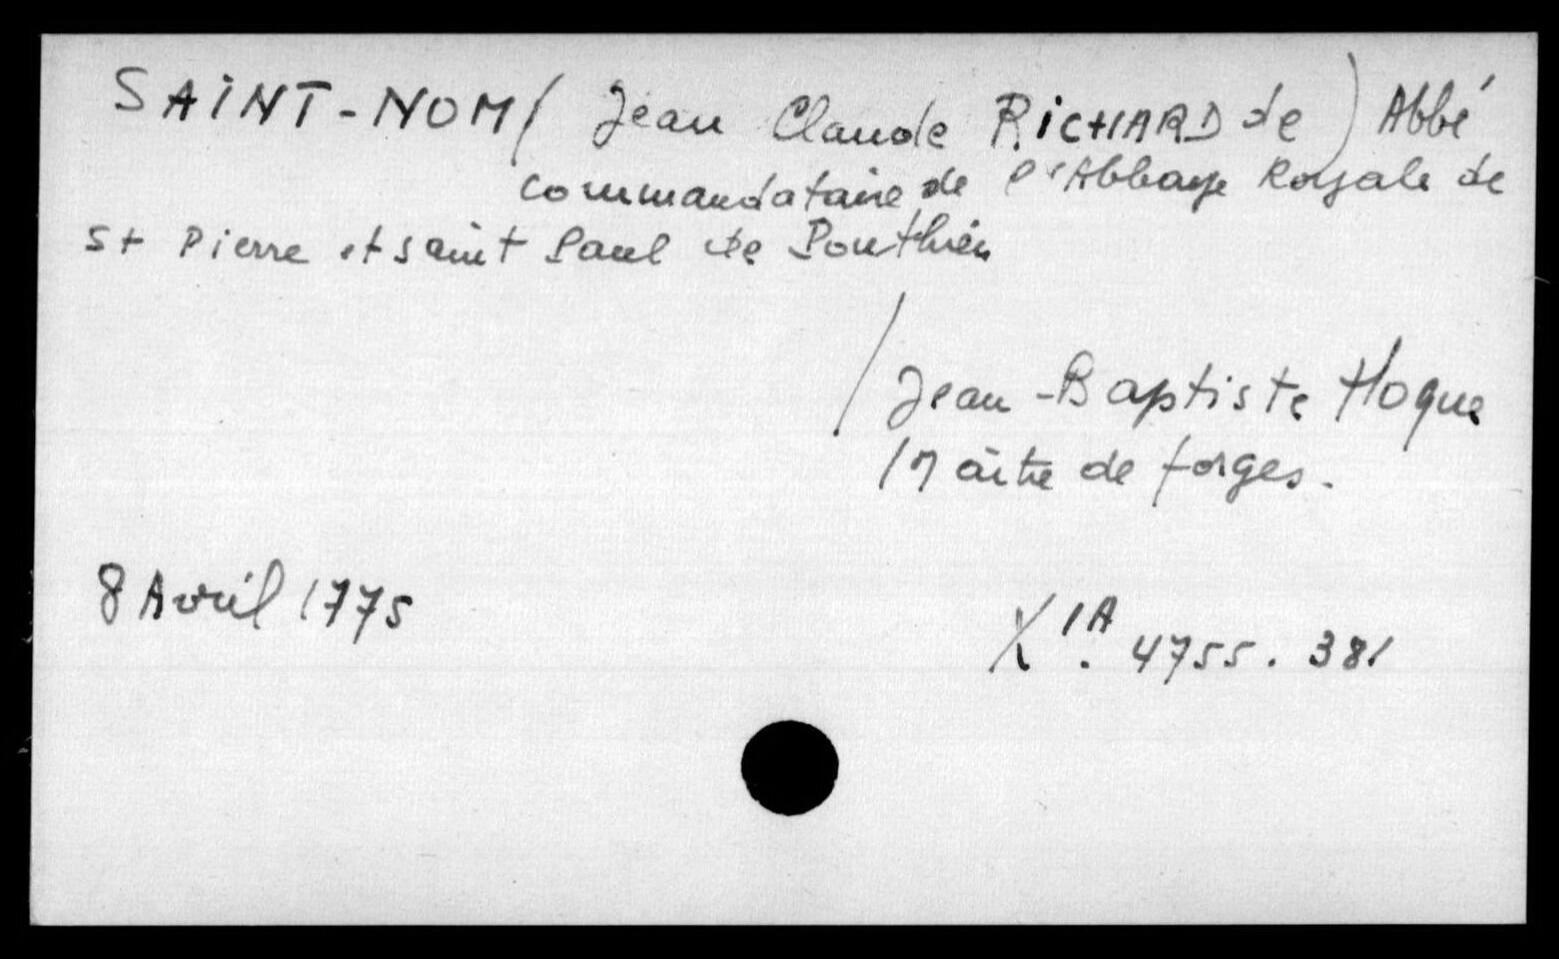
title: SAINT-NOM (Jean Claude RICHARD de) abbé commandataire de l'abbaye royale de Saint Pierre et Saint Paul de Ponthieu
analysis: Contre Jean-Baptiste Hogue maître de forges.
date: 8 avril 1775
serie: X1A
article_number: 4755
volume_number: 381
